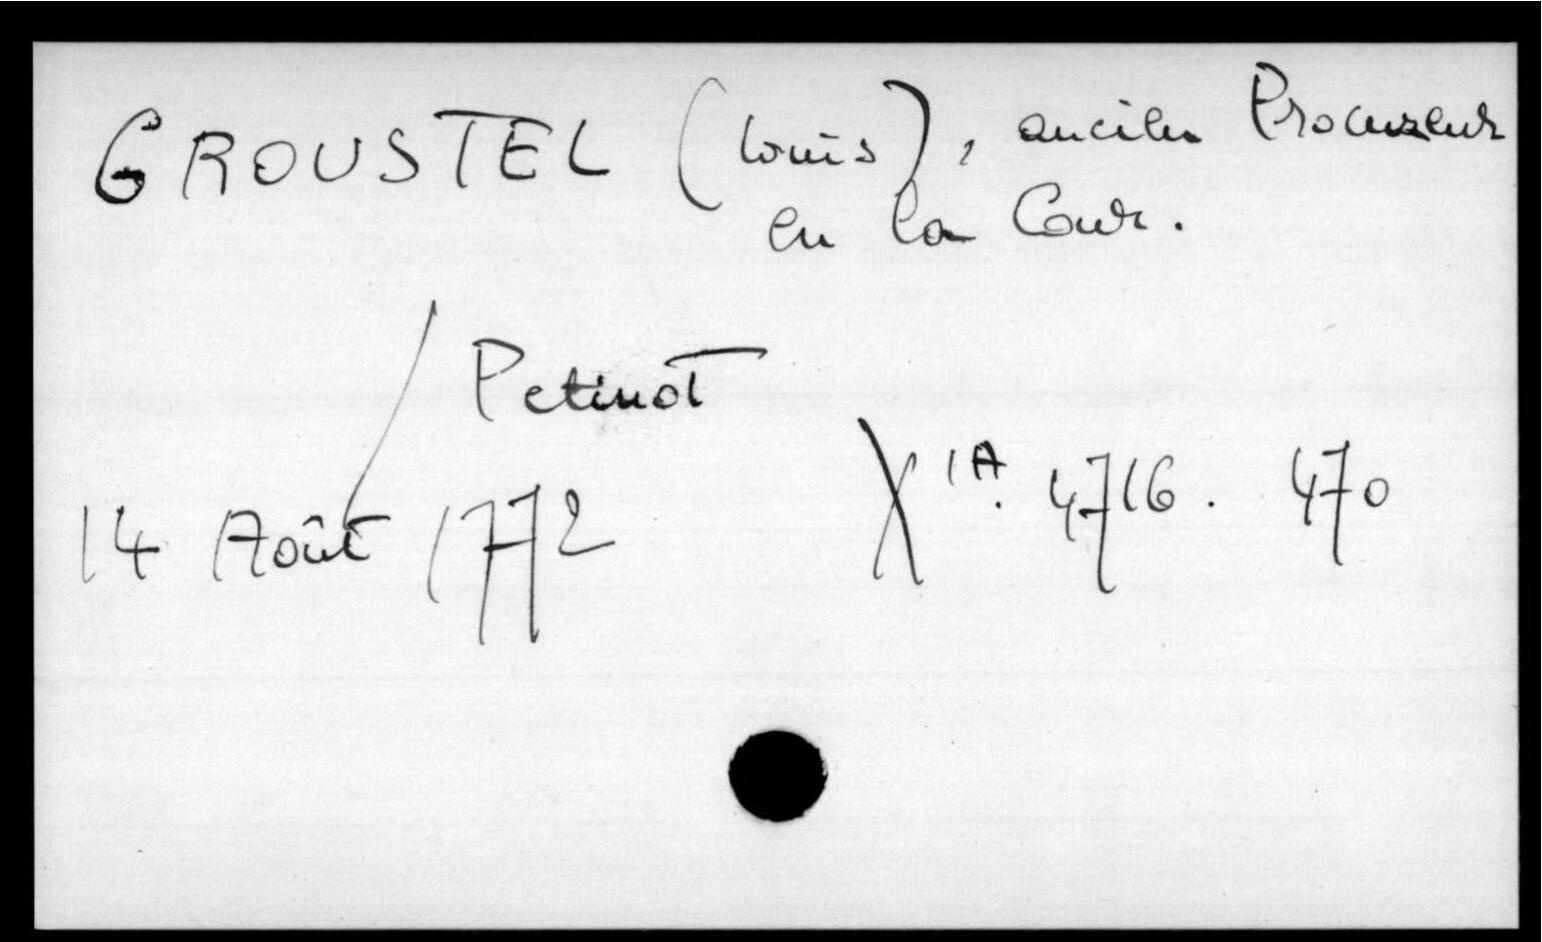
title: GROUSTEL (Louis), ancien procureur en la Cour
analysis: Contre Petinot
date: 14 août 1772
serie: X1A
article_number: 4716
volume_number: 470
